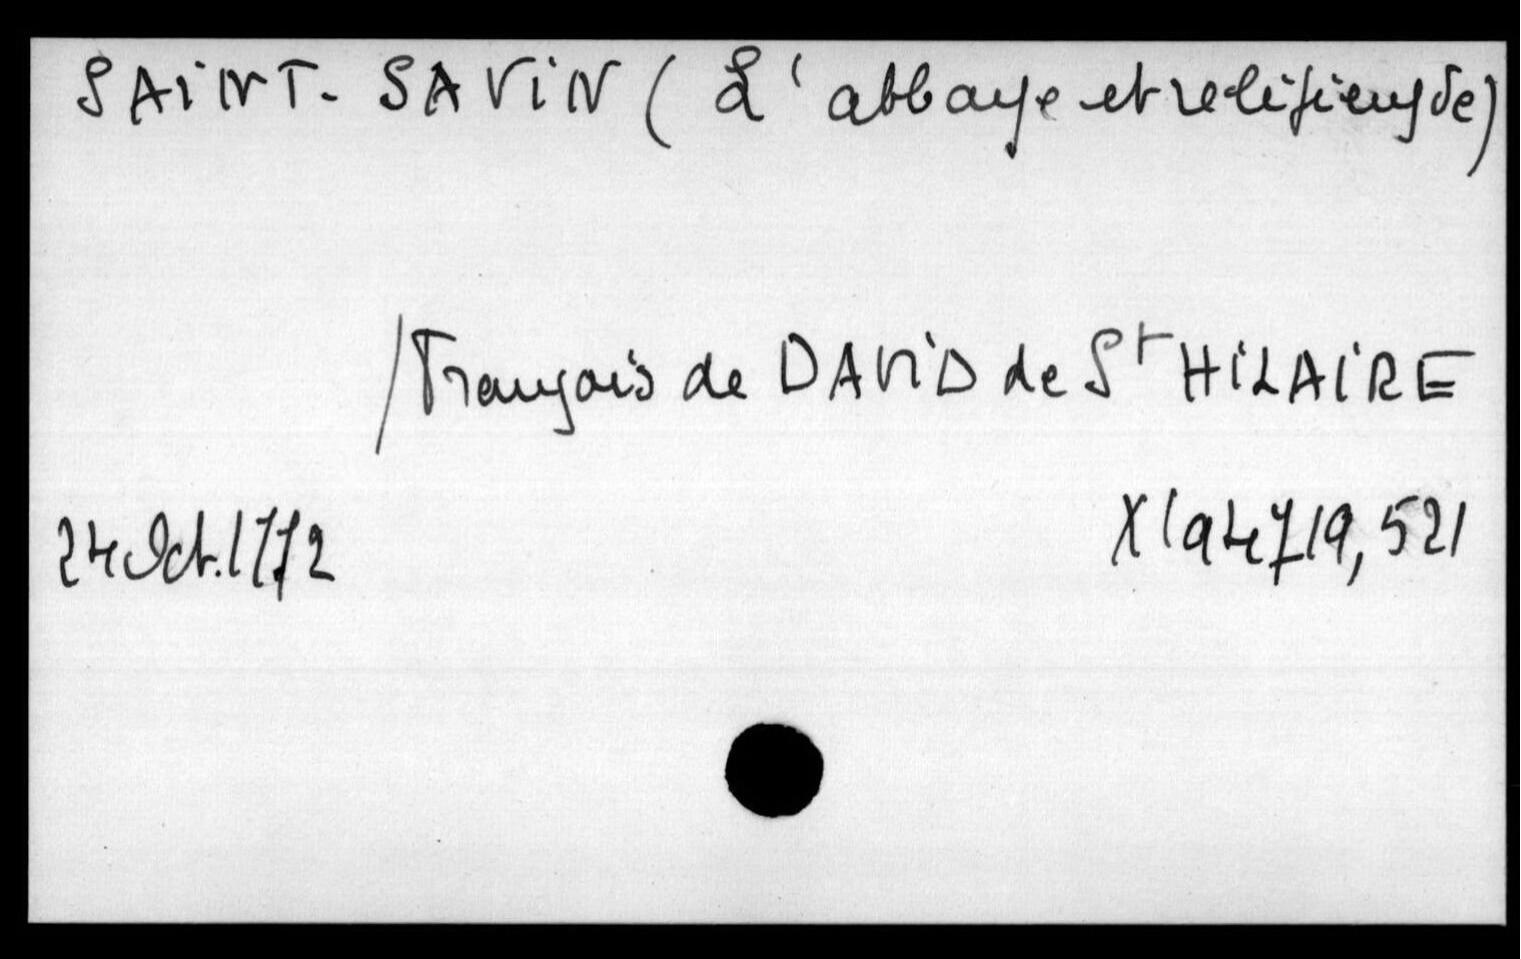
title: SAINT-SAVIN (L'abbaye et religieux de)
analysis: Contre François de David de SAINT-HILAIRE
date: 24 octobre 1772
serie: X1a
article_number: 4719
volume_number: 521
